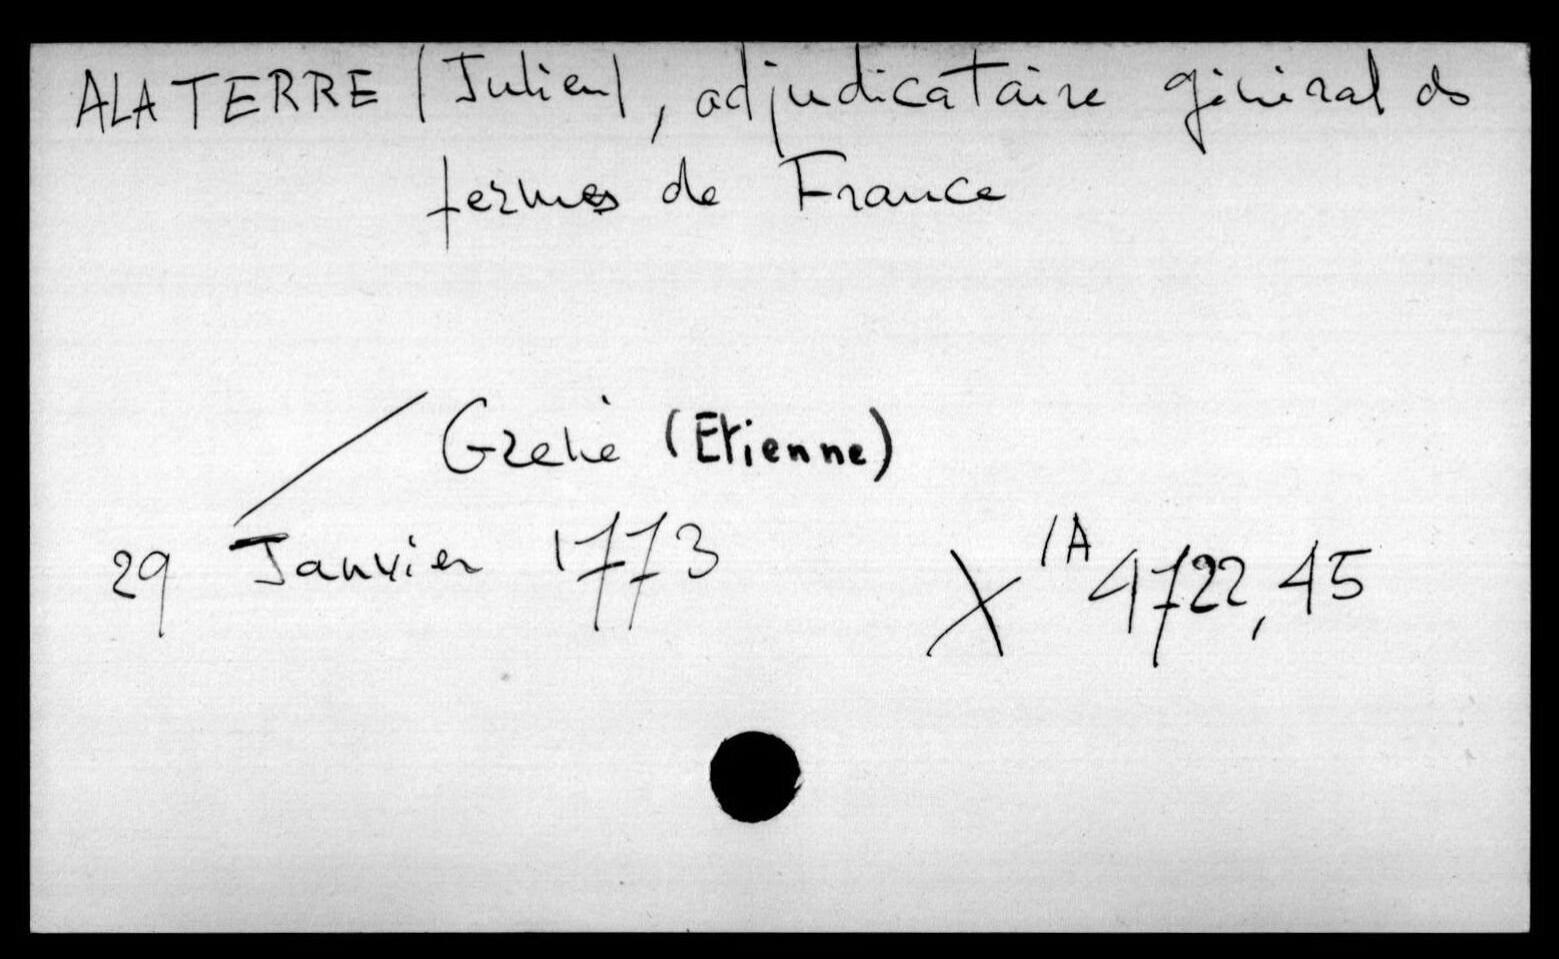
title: ALATERRE (Julien) Adjudicataire général des fermes de France
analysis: Contre Grehé (Étienne)
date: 29 janvier 1773
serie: X1A
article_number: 4722
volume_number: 45
